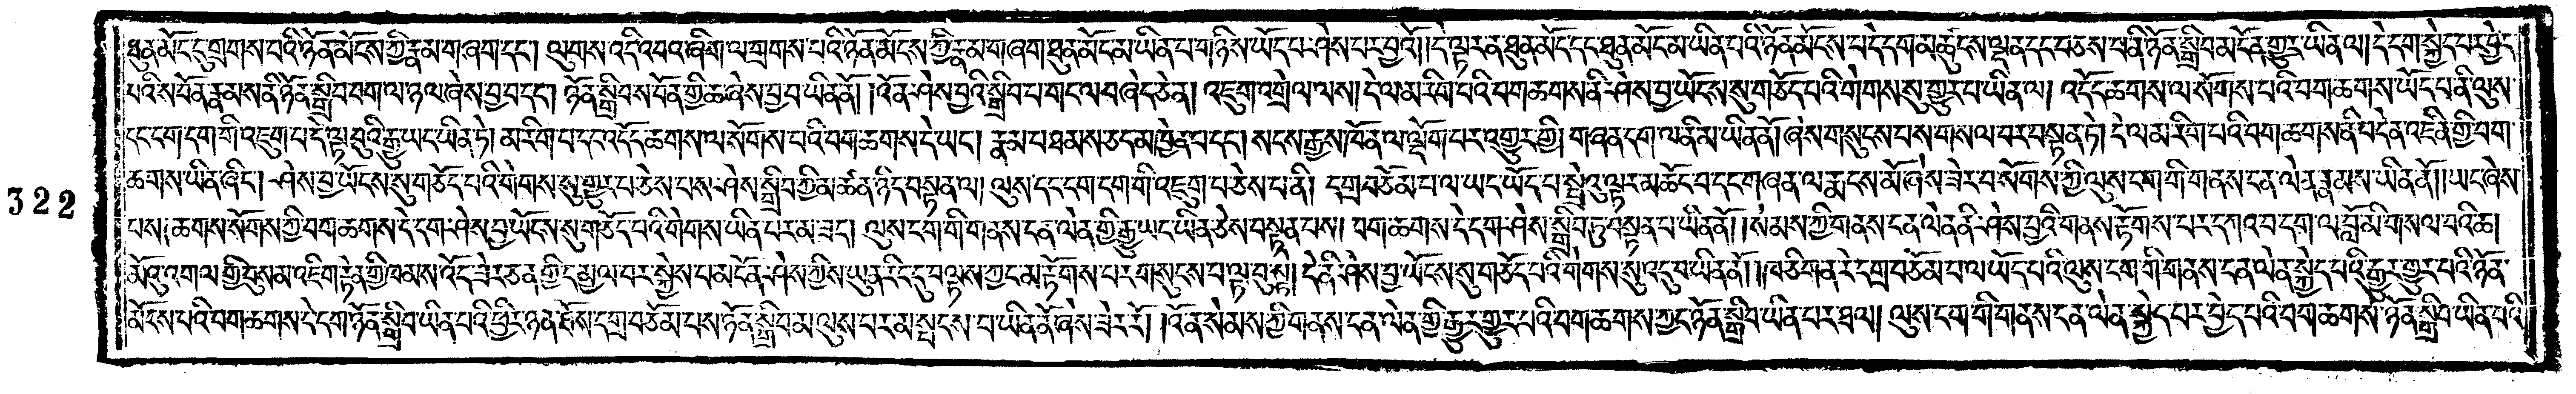ཐུན་མོང་དུ་གྲགས་བའི་ཉོན་མོངས་ཀྱི་རྣམ་གཞག་དང་། ལུགས་འདི་འབའ་ཞིག་ལ་གྲགས་པའི་ཉོན་མོངས་ཀྱི་རྣམ་གཞག་ཐུན་མོང་མ་ཡིན་པ་གཉིས་ཡོད་པ་ཤེས་པར་བྱའོ། །དེ་ལྟར་ན་ཐུན་མོང་དང་ཐུན་མོང་མ་ཡིན་པའི་ཉོན་མོངས་པ་དེ་དག་མཚུངས་ལྡན་དང་བཅས་པ་ནི་ཉོན་སྒྲིབ་མངོན་གྱུར་ཡིན་ལ། དེ་དག་སྐྱེད་པར་བྱེད་
པའི་ས་བོན་རྣམས་ནི་ཉོན་སྒྲིབ་བག་ལ་ཉལ་ཞེས་བྱ་བ་དང་། ཉོན་སྒྲིབ་ས་བོན་གྱི་ཆ་ཞེས་བྱ་བ་ཡིན་ནོ། །འོན་ཤེས་བྱའི་སྒྲིབ་པ་གང་ལ་བཞེད་ཅེ་ན། འཇུག་འགྲེལ་ལས། དེ་ལམ་རིག་བའི་བག་ཆགས་ནི་ཤེས་བྱ་ཡོངས་སུ་གཅོད་པའི་གེགས་སུ་གྱུར་པ་ཡིན་ལ། འདོད་ཆགས་ལ་སོགས་པའི་བག་ཆགས་ཡོད་པ་ནི་ལུས་
དང་དག་དག་གི་འཇུག་པ་དེ་ལྟ་བུའི་རྒྱུ་ཡང་ཡིན་ཏེ། མ་རིག་བ་དང་འདོད་ཆགས་ལ་སོགས་པའི་བག་ཆགས་དེ་ཡང་། རྣམ་པ་ཐམས་ཅད་མཁྱེན་བ་དང་། སངས་རྒྱས་ཁོ་ན་ལ་ལྡོག་པར་འགྱུར་གྱི། གཞན་དག་ལ་ནི་མ་ཡིན་ནོ། ཞེས་གསུངས་པས་གསལ་བར་བསྟན་ཏེ། དེ་ལམ་རིག་པའི་བག་ཆགས་ནི་བདེན་འཛིན་གྱི་བག་
ཆགས་ཡིན་ཞིང་། ཤེས་བྱ་ཡོངས་སུ་གཅོད་པའི་གེགས་སུ་གྱུར་པ་ཅེས་པས་ཤེས་སྒྲིབ་ཀྱི་མཚན་ཉིད་བསྟན་ལ། ལུས་དང་ངག་དག་གི་འཇུག་པ་ཅེས་པ་ནི། དགྲ་བཅོམ་པ་ལ་ཡང་ཡོད་པ་སྦྲེའུ་ལྟར་མཆོད་པ་དང་གཞན་ལ་རྨངས་མོ་ཞེས་ཟེར་བ་སོགས་ཀྱི་ལུས་ངག་གི་གནས་ངན་ལེན་རྣམས་ཡིན་ནོ། །ཡང་ཞེས་
པས༑ ཆགས་སོགས་ཀྱི་བག་ཆགས་དེ་དག་ཤེས་བྱ་ཡོངས་སུ་གཅོད་པའི་གེགས་ཡིན་པར་མ་ཟད། ལུས་ངག་གི་གནས་དན་ལེན་གྱི་རྒྱུ་ཡང་ཡིན་ཅེས་བསྟན་པས། བག་ཆགས་དེ་དག་ཤེས་སྒྲིབ་ཏུ་བསྟན་པ་ཡིན་ནོ། །སེམས་ཀྱི་གནས་ངན་ལེན་ནི་ཤེས་བྱའི་གནས་རྟོགས་པར་དཀའ་བ་དག་ལ་བློ་མི་གསལ་བའི་ཆ།
མོའུ་འགལ་གྱི་བུས་མ་འཇིག་རྟེན་གྱི་ཁམས་འོད་ཟེར་ཅན་གྱི་དམྱལ་བར་སྐྱེས་པ་མངོན་ཤེས་ཀྱིས་ཡུན་རིང་དུ་བལྟས་ཀྱང་མ་རྟོགས་པར་གསུངས་བ་ལྟ་བུ་སྟེ། དེ་ནི་ཤེས་བྱ་ཡོངས་སུ་གཅོད་པའི་གེགས་སུ་འདུ་བ་ཡིན་ནོ། །ཁ་ཅིག་ན་རེ་དགྲ་བཅོམ་པ་ལ་ཡོད་པའི་ལུས་ངག་གི་གནས་ངན་ལེན་སྐྱེད་པའི་རྒྱུར་གྱུར་པའི་ཉོན་
མོངས་པའི་བག་ཆགས་དེ་དག་ཉོན་སྒྲིབ་ཡིན་པའི་ཕྱིར་ཉན་ཐོས་དགྲ་བཅོམ་པས་ཉོན་སྒྲིབ་མ་ལུས་པར་མ་སྤངས་པ་ཡིན་ནོ་ཞེས་ཟེར་རོ། །འོ་ན་སེམས་ཀྱི་གནས་དན་ལེན་གྱི་རྒྱུར་གྱུར་པའི་བག་ཆགས་ཀྱང་ཉོན་སྒྲིབ་ཡིན་པར་ཐལ། ལུས་ངག་གི་གནས་ངན་ལེན་སྐྱེད་པར་བྱེད་པའི་བག་ཆགས་ཉོན་སྒྲིབ་ཡིན་པའི་